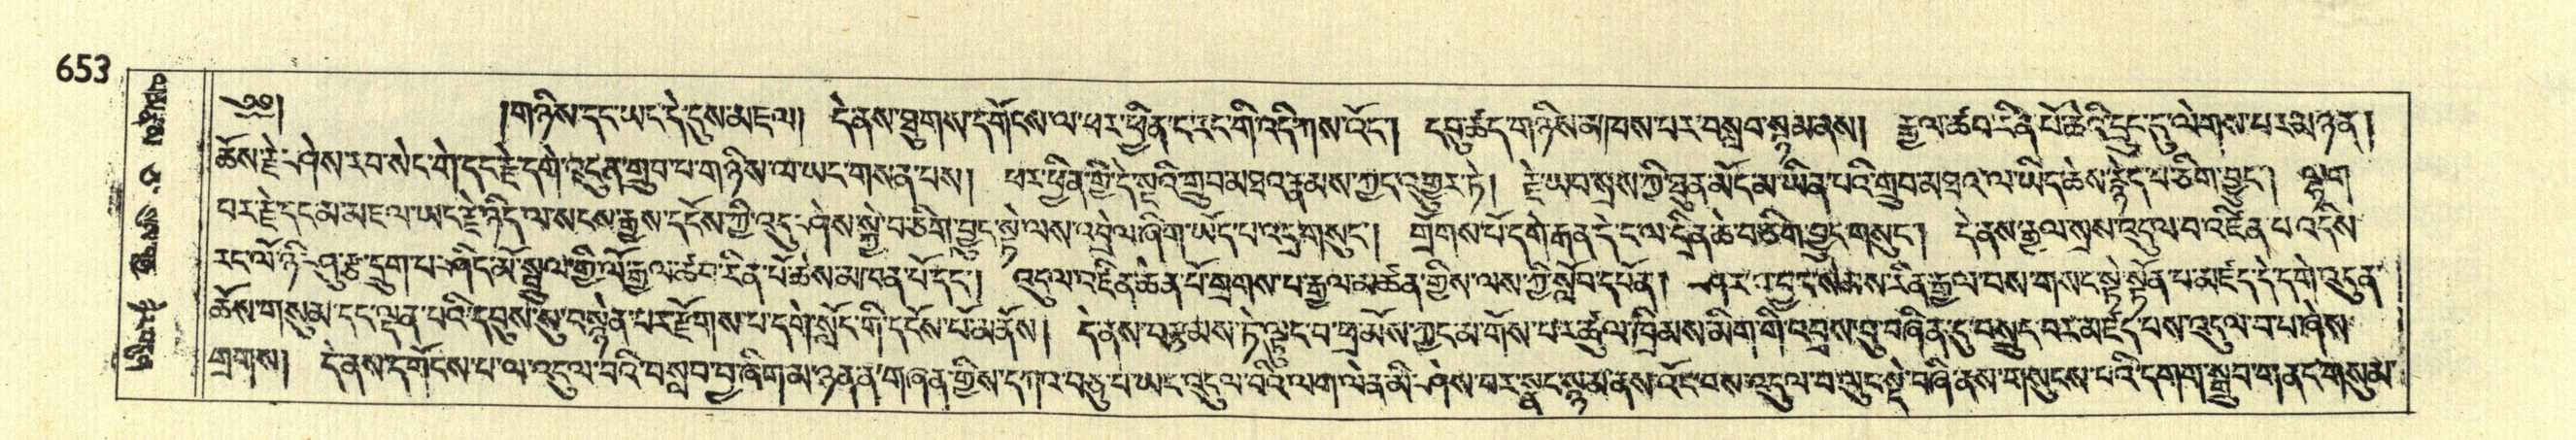༄༅། །གཉིས་དང་ཡང་དེ་དུས་མཇལ། དེ་ནས་ཐུགས་དགོངས་ལ་ཕར་ཕྱིན་ང་རང་གི་འདི་ཀས་འོང་། དབུ་ཚད་གཉིས་མཁས་པར་བསླབ་སྙམ་ནས། རྒྱལ་ཚབ་རིན་པོ་ཆེའི་དྲུང་དུ་ལེགས་པར་མཉན།
ཆོས་རྗེ་ཤེས་རབ་སེང་གེ་དང་རྗེ་དགེ་འདུན་གྲུབ་པ་གཉིས་ལ་ཡང་གསན་པས། ཕར་ཕྱིན་གྱི་དེ་སྔའི་གྲུབ་མཐའ་རྣམས་ཀྱང་འགྱུར་ཏེ། རྗེ་ཡབ་སྲས་ཀྱི་ཐུན་མོང་མ་ཡིན་པའི་གྲུབ་མཐའ་ལ་ཡིད་ཆེས་རྙེད་པ་ཅིག་བྱུང་། ལྷག་
པར་རྗེ་དང་མ་མཇལ་ཡང་རྗེ་ཉིད་ལ་སངས་རྒྱས་དངོས་ཀྱི་འདུ་ཤེས་སྐྱེ་བ་ཅིག་བྱུང་སྟེ་ལས་འབྲེལ་ཞིག་ཡོད་པ་འདྲ་གསུང་། གྲོགས་པོ་དགེ་རྒན་དེ་ང་ལ་དྲིན་ཆེ་བ་ཅིག་བྱུང་གསུང་། དེ་ནས་རྒྱལ་སྲས་འདུལ་བ་འཛིན་པ་འདིས་
རང་ལོ་ཉི་ཤུ་རྩ་དྲུག་པ་ཤིང་མོ་སྦྲུལ་གྱི་ལོ་རྒྱལ་ཚབ་རིན་པོ་ཆེས་མཁན་པོ་དང་། འདུལ་འཛིན་ཆེན་པོ་གྲགས་པ་རྒྱལ་མཚན་གྱིས་ལས་ཀྱི་སློབ་དཔོན། ཤར་བ་བྱང་སེམས་རིན་རྒྱལ་བས་གསང་སྟེ་སྟོན་པ་མཛད་དེ་དགེ་འདུན་
ཆོས་གསུམ་དང་ལྡན་པའི་དབུས་སུ་བསྙེན་པར་རྫོགས་པ་དགེ་སློང་གི་དངོས་པོ་མནོས། དེ་ནས་བརྩམས་ཏེ་ལྟུང་བ་ཕྲ་མོས་ཀྱང་མ་གོས་པར་ཚུལ་ཁྲིམས་མིག་གི་འབྲས་བུ་བཞིན་དུ་བསྲུང་བར་མཛད་པས་འདུལ་བ་པ་ཞེས་
གྲགས། དེ་ནས་དགོངས་པ་ལ་འདུལ་བའི་བསླབ་བྱ་ཞིག་མ་ཉན་ན་གཞན་གྱིས་དཀའ་བཅུ་པ་ཡང་འདུལ་བའི་ལག་ལེན་མི་ཤེས་བར་སྣང་སྙམ་ནས་འོང་བས་འདུལ་བ་ལུང་སྡེ་བཞི་ནས་གསུངས་པའི་དགག་སྒྲུབ་གནང་གསུམ་